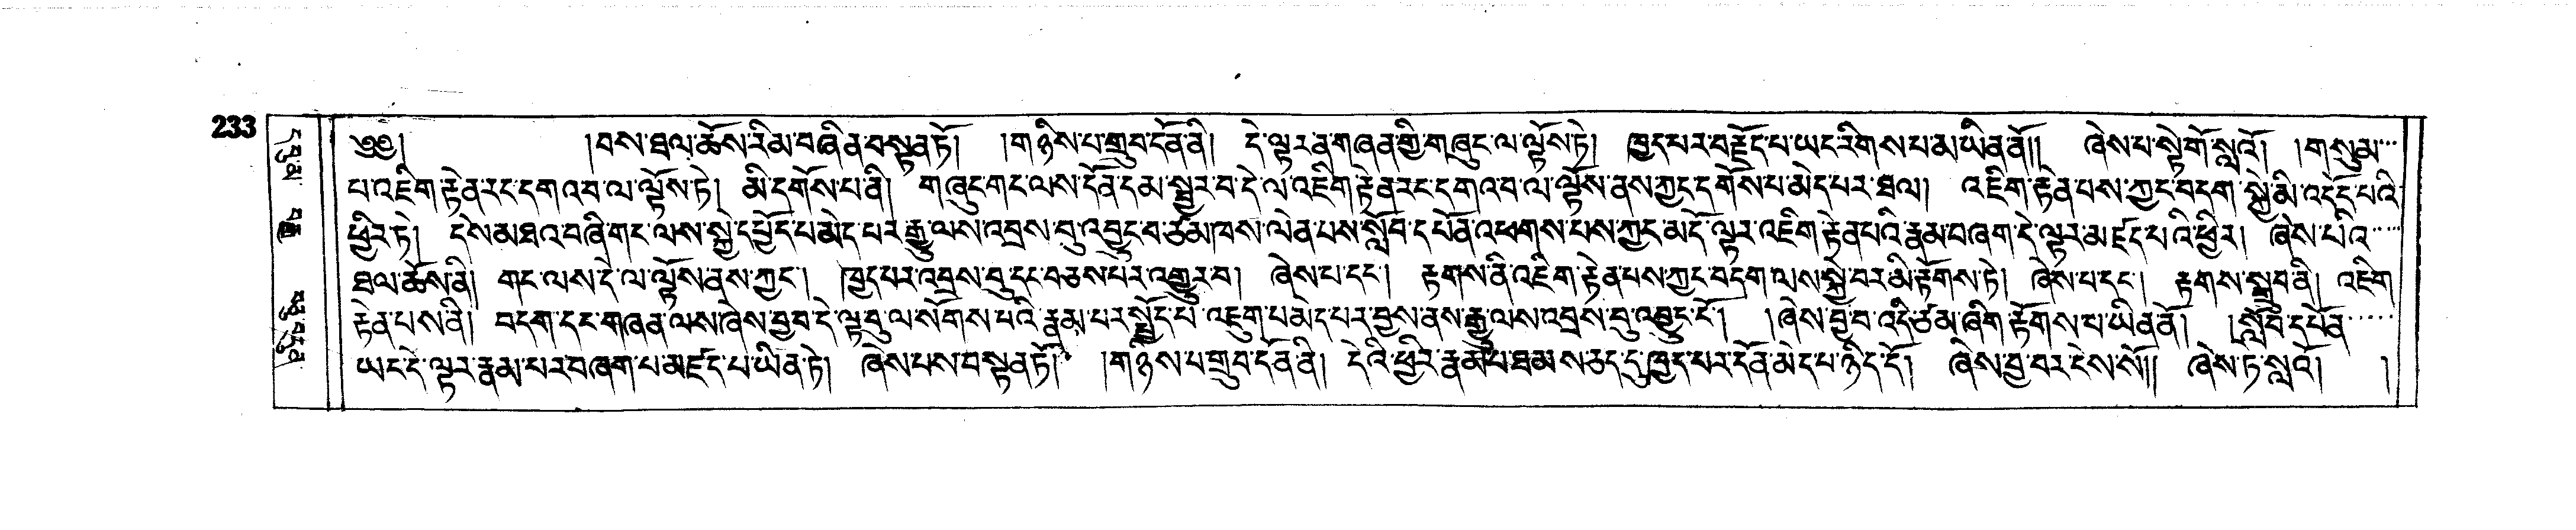༄༅། །བས་ཐལ་ཆོས་རིམ་བཞིན་བསྟན་ཏོ། །གཉིས་པ་གྲུབ་དོན་ནི། དེ་ལྟར་ན་གཞན་གྱི་གཞུང་ལ་ལྟོས་ཏེ། ཁྱད་པར་བརྗོད་པ་ཡང་རིགས་པ་མ་ཡིན་ནོ། །ཞེས་པ་སྟེ་གོ་སླའོ། །གསུམ་
པ་འཇིག་རྟེན་རང་དགའ་བ་ལ་ལྟོས་ཏེ། མི་དགོས་པ་ནི། གཞུང་གང་ལས་དོན་དམ་སྦྱར་བ་དེ་ལ་འཇིག་རྟེན་རང་དགའ་བ་ལ་ལྟོས་ནས་ཀྱང་དགོས་པ་མེད་པར་ཐལ། འཇིག་རྟེན་པས་ཀྱང་བདག་སྐྱེ་མི་འདོད་པའི་
ཕྱིར་ཏེ། དེས་མཐའ་བཞི་གང་ལས་སྐྱེ་དཔྱོད་པ་མེད་པར་རྒྱུ་ལས་འབྲས་བུ་འབྱུང་བ་ཙམ་ཁས་ལེན་པས་སློབ་དཔོན་འཕགས་པས་ཀྱང་མདོ་ལྟར་འཇིག་རྟེན་པའི་རྣམ་བཞག་དེ་ལྟར་མཛད་པའི་ཕྱིར། ཞེས་པའི་
ཐལ་ཆོས་ནི། གང་ལས་དེ་ལ་ལྟོས་ནས་ཀྱང་། ཁྱད་པར་འབྲས་བུ་དང་བཅས་པར་འགྱུར་བ། ཞེས་པ་དང་། རྟགས་ནི་འཇིག་རྟེན་པས་ཀྱང་བདག་ལས་སྐྱེ་བར་མི་རྟོགས་ཏེ། ཞེས་པ་དང་། རྟགས་སྒྲུབ་ནི། འཇིག་
རྟེན་པས་ནི། བདག་དང་གཞན་ལས་ཞེས་བྱ་བ་དེ་ལྟ་བུ་ལ་སོགས་པའི་རྣམ་པར་སྤྱོད་པ་འཇུག་པ་མེད་པར་བྱས་ནས་རྒྱུ་ལས་འབྲས་བུ་འབྱུང་ངོ། །ཞེས་བྱ་བ་འདི་ཙམ་ཞིག་རྟོགས་པ་ཡིན་ནོ། །སློབ་དཔོན་
ཡང་དེ་ལྟར་རྣམ་པར་བཞག་པ་མཛད་པ་ཡིན་ཏེ། ཞེས་པས་བསྟན་ཏོ། །གཉིས་པ་གྲུབ་དོན་ནི། དེའི་ཕྱིར་རྣམ་པ་ཐམས་ཅད་དུ་ཁྱད་པར་དོན་མེད་པ་ཉིད་དོ། །ཞེས་བྱ་བར་ངེས་སོ། །ཞེས་ཏེ་སླའོ། །